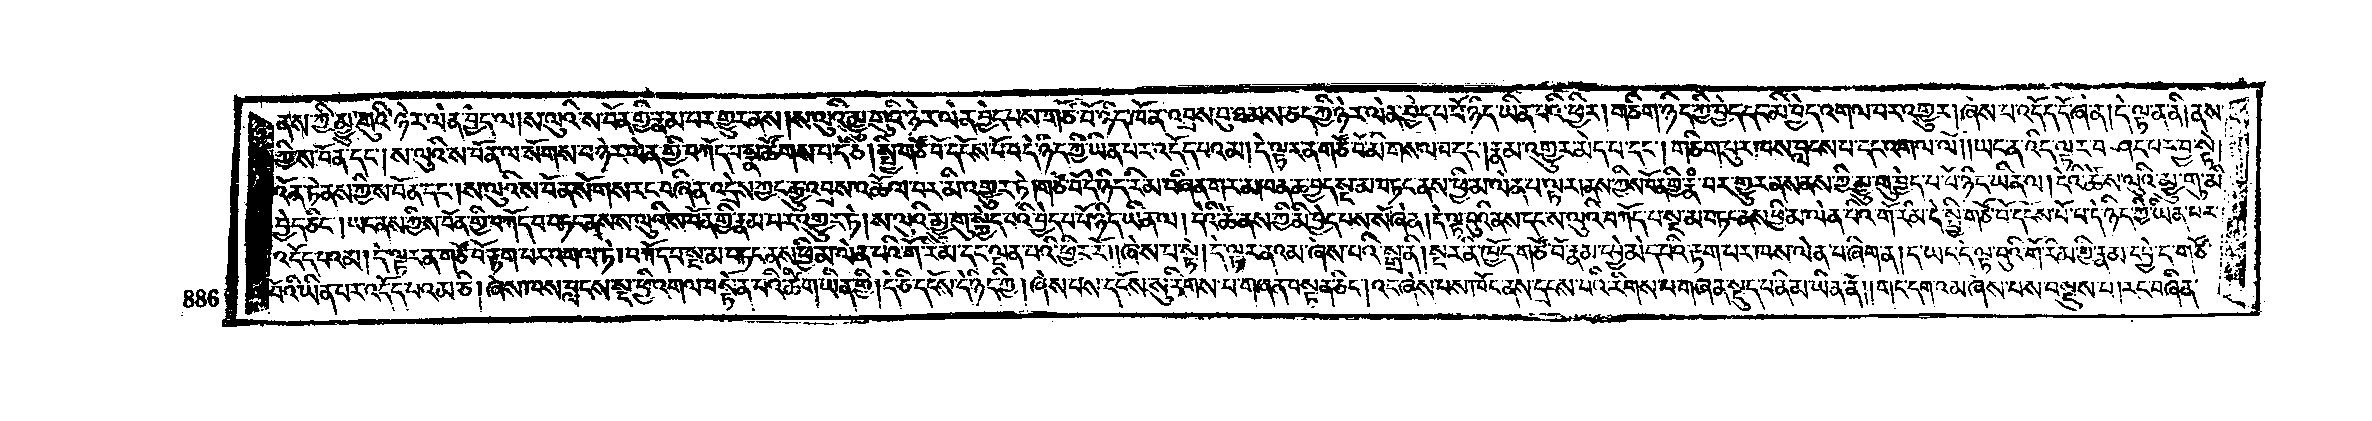ནས་ཀྱི་མྱུ་གུའི་ཉེར་ལེན་བྱེད་ལ། ས་ལུའི་ས་བོན་གྱི་རྣམ་པར་གྱུར་ནས། ས་ལུའི་མྱུ་གུའི་ཉེར་ལེན་བྱེད་པས་གཙོ་བོ་ཉིད་ཁོ་ན་འབྲས་བུ་ཐམས་ཅད་ཀྱི་ཉེར་ལེན་བྱེད་པ་པོ་ཉིད་ཡིན་པའི་ཕྱིར། གཅིག་ཉིད་ཀྱི་བྱེད་དང་མི་བྱེད་འགལ་བར་འགྱུར། ཞེས་པ་འདོད་དོ་ཞེ་ན། དེ་ལྟ་ན་ནི། ནས་
ཀྱི་ས་བོན་དང་། ས་ལུའི་ས་བོན་ལ་སོགས་པ་ཉེར་ལེན་གྱི་བཀོད་པ་སྣ་ཚོགས་པ་དེ་ཅི། སྤྱི་གཙོ་བོ་དངོས་པོ་འདི་ཉིད་ཀྱི་ཡིན་པར་འདོད་པའམ། དེ་ལྟར་ན་གཙོ་བོ་མི་གསལ་བ་དང་། རྣམ་འགྱུར་མེད་པ་དང་། གཅིག་བུར་ཁས་བླངས་པ་དང་། འགལ་ལོ། །ཡང་ན་འདི་ལྟར་བཤད་པར་བྱ་སྟེ།
འོན་ཏེ་ནས་ཀྱི་ས་བོན་དང་། ས་ལུའི་ས་བོན་སོགས་རང་བཞིན་འདྲེས་ཀྱང་རྒྱུ་འབྲས་འཆོལཇ་བར་མི་འགྱུར་ཏེ། གཙོ་བོ་དེ་ཉིད་རིམ་གཞིན་གར་མཁན་ཆ་བྱད་སྔ་མ་བཏང་ནས་ཕྱི་མ་ལེན་པ་ལྟར། ནས་ཀྱི་ས་བོམ་གྱི་རྣམ་པར་གྱུར་ནས་ནས་ཀྱི་མྱུ་གུ་བྱེད་པ་པོ་ཉིད་ཡིན་ལ། དེའི་ཚེ་ས་ལུའི་མྱུ་གུ་མི་
བཏེད་ཅིང་། ཡང་ནས་ཀྱི་ས་བོན་གྱི་བཀོད་པ་བཏང་ནས་ས་བུའི་ས་བོན་གྱི་རྣམ་པར་འགྱུར་ཏེ། ས་ལུའི་མྱུ་གུ་སྐྱེད་པའི་བྱེད་པ་པོ་ཉིད་ཡིན་ལ། དེའི་ཚེ་ནས་ཀྱི་མི་བྱེད་པས་སོ་ཞེ་ན། དེ་ལྟ་བུའི་ནས་དང་ས་ལུའི་བཀོད་པ་སྔ་མ་བཏང་ནས་ཕྱི་མ་ལེན་པའི་གོ་རིམ་དེ་སྤྱི་གཙོ་བོ་དངོས་པོ་པ་དེ་ཉིད་ཀྱི་ཡིན་པར་
འདོ་པའམ། དེ་ལྟར་ན་གཙོ་བོ་རྟག་པར་འགལ་ཏེ། བཀོད་པ་སྔ་མ་བཏང་ནས་ཕྱི་མ་ལེན་པའི་གོ་རིམ་དང་ལྡན་པའི་ཕྱིར་རོ། །ཞེས་པ་སྟེ། དེ་ལྟ་ནའམ་ཞེས་པའི་སྒྲ་མི། སྔར་ནི་ཁྱོད་གཙོ་བོ་རྣམ་དབྱེ་མེད་པའི་རྟག་པར་ཁས་ལེན་པ་ཞིག་ན། དེ་ཡང་དེ་ལྟ་བུའི་གོ་རིམ་གྱི་རྣམ་དབྱེ་དེ་གཙོ་
བོའི་ཡིན་པར་འདོད་པའམ་ཅི། ཞེས་ཁས་བླངས་སྔ་ཕྱི་འགལ་བ་སྟོན་པའི་ཚིག་ཡིན་གྱི། དེ་ཅི་དངོས་དེ་ཉིད་ཀྱི། ཞེས་པས་དངོས་སུ་རིགས་པ་གཞན་བསྟན་ཅིང་། འང་ཞེས་པས་ཁོང་ནས་དྲངས་པའི་རྒིས་པ་གཞན་སྡུད་པ་ནི་མ་ཡིན་ནོ། །གང་དག་འམ་ཞེས་པས་བསྡུས་པ། རང་བཞི་